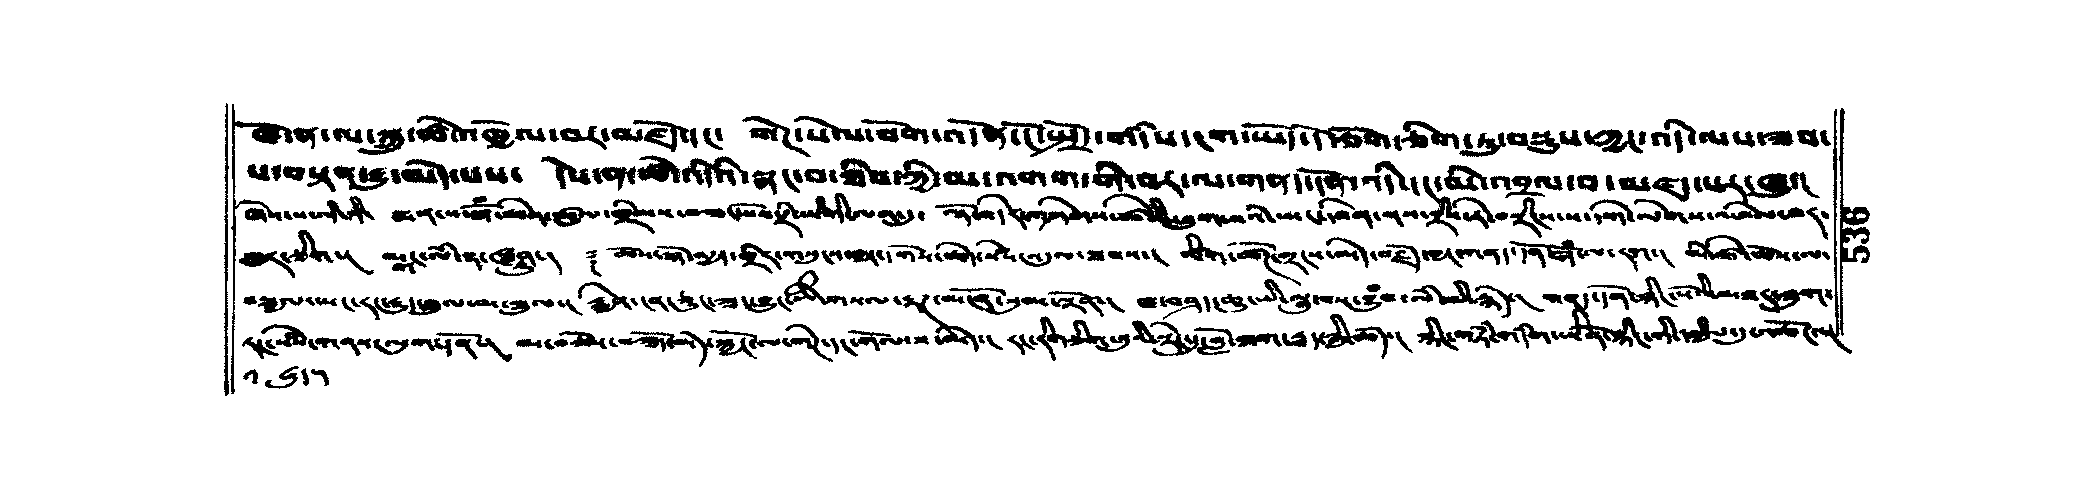ཁོ་ནས་སྐུ་ཚེ་འཁྱོལ་བར་མཛོད་དང་། གེགས་སེལ་བོགས་འདོན་ངོ་སྤྲོད་གདམས་ངག་ཡོད་དོ་ཅོག་གཅིག་ཏུ་བསྡུས་ཀྱང་འདི་ལས་ཟབ་
པ་བསྟན་རྒྱུ་མེད་པས། དེས་ན་ཚེ་འདིའི་སྣང་བ་ཐིབས་ཀྱི་མ་འགག་གི་བར་ལ་གནད་དོན་འདི་དང་མི་འབྲལ་བ་མཛད་པར་ཞུ། 
ཞེས་པ་འདི་ནི། སྨན་པ་སྒོམ་ཆེན་ཚུལ་ཁྲིམས་བཟང་པོས་དྲི་ཡིག་གི་ལན་དུ། ལྷོ་བདེ་གཤེགས་ཚེ་རིང་ཕུག་པའི་ཡང་དབེན་ནས་བྲིས་ཏེ་བསྲིངས་པ་དགེ་ལེགས་འཕེལ་བར་
གྱུར་ཅིག། མངྒ་ལམ་བྷ་ཝནྟུ།། ཆོས་སྒོ་བརྒྱད་ཁྲིར་གསུངས་ཀྱང་དགོས་ཆེད་སེམས་འདུལ་ཐབས། །ཚིག་ཚོགས་གྲངས་མེད་བརྗོད་བྱང་གནད་དོན་སྒོམ་ལ་རག །མི་ཚེ་ཆོས་ལ་
བསྐྱལ་ཡང་རང་རྒྱུད་ཐུལ་མ་ཐུལ། །རྐྱེན་ངན་ཅུང་ཟད་བྱུང་ཚེ་གསལ་རྟགས་མངོན་སུམ་སྟོན། །ཁ་བཤད་ཆུ་ཡི་ལྦུ་བས་བྱང་ཆུབ་ལམ་མི་རྙེད། །གནད་དོན་སྙིང་པོའི་མཐར་ཐུག་
རང་སེམས་གནས་ལུགས་དོན། །མ་བཅོས་བཟོ་མེད་སྐྱོང་ལ་གེགས་དང་གོལ་ས་མེད། །རང་རིག་གཅིག་པུའི་སྟེང་དུ་བློ་ཐག་རྦད་ཀྱི་ཆོད། །སྙིང་གཏམ་གདམས་ངག་ཡིན་ནོ་སྙིང་གི་དཀྱིལ་དུ་འཆོངས།།